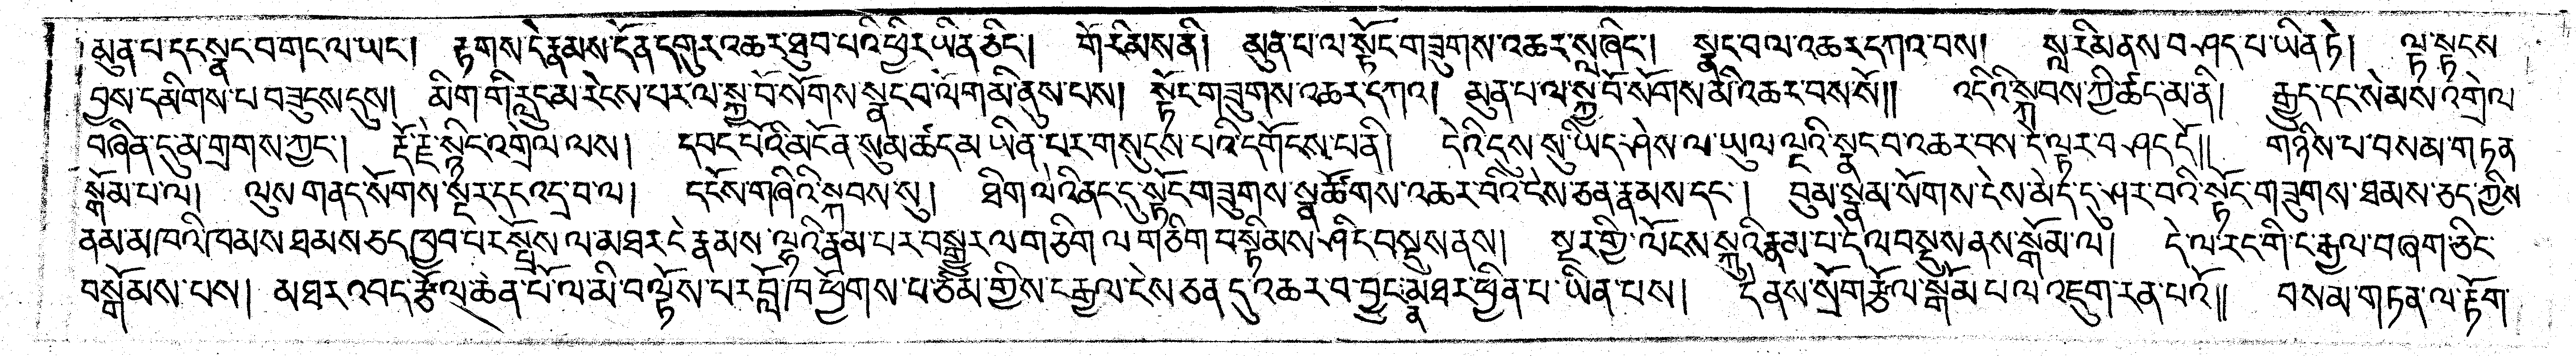མུན་པ་དང་སྣང་བ་གང་ལ་ཡང་། རྟགས་དེ་རྣམས་དོན་དགུར་འཆར་ཐུབ་པའི་ཕྱིར་ཡིན་ཅིང་། གོ་རིམས་ནི། མུན་པ་ལ་སྟོང་གཟུགས་འཆར་སླ་ཞིང་། སྣང་བ་ལ་འཆར་དཀའ་བས། སླར་རིམ་ནས་བཤད་པ་ཡིན་ཏེ། ལྟ་སྟངས་
བྱས་དམིགས་པ་བཟུངས་དུས། མིག་གི་རླུང་མ་རེངས་པར་ལ་སྐྱ་བོ་སོགས་སྣང་བ་ལོག་མི་ནུས་པས། སྟོང་གཟུགས་འཆར་དཀའ། མུན་པ་ལ་སྐྱེ་བོ་སོགས་མི་འཆར་བས་སོ།། འདིའི་སྐབས་ཀྱི་ཚད་མ་ནི། རྒྱུད་དང་སེམས་འགྲེལ་
བཞིན་དུ་མ་གྲགས་ཀྱང་། རྡོ་རྗེ་སྙིང་འགྲེལ་ལས། དབང་པོའི་མངོན་སུམ་ཚད་མ་ཡིན་པར་གསུངས་པའི་དགོངས་པ་ནི། དེའི་དུས་སུ་ཡིད་ཤེས་ལ་ཡུལ་ལྔའི་སྣང་བ་འཆར་བས་དེ་ལྟར་བཤད་དོ།། གཉིས་པ་བསམ་གཏན་
སྒོམ་པ་ལ། ལུས་གནད་སོགས་སྔར་དང་འདྲ་བ་ལ། དངོས་གཞིའི་སྐབས་སུ། ཐིག་ལེའི་ནང་དུ་སྟོང་གཟུགས་སྣ་ཚོགས་འཆར་བའི་ངེས་ཅན་རྣམས་དང་། བུམ་སྣམ་སོགས་ངེས་མེད་དུ་ཤར་བའི་སྟོང་གཟུགས་ཐམས་ཅད་ཀྱིས་
ནམ་མཁའི་ཁམས་ཐམས་ཅད་ཁྱབ་པར་སྤྲོས་ལ་མཐར་དེ་རྣམས་ལྷའི་རྣམ་པར་བསྒྱུར་ལ་གཅིག་ལ་གཅིད་བསྟིམས་ཤིང་བསྡུས་ནས། སྔར་གྱི་ལོངས་སྐུའི་རྣམ་པ་དེ་ལ་བསྡུས་ནས་སྒོམ་ལ། དེ་ལ་རང་གི་ང་རྒྱལ་བཞག་ཅིང་
བསྒོམས་པས། མཐར་འབད་རྩོལ་ཆེན་པོ་ལ་མི་བལྟོས་པར་བློ་ཁ་ཕྱོགས་པ་ཙམ་གྱིས་ང་རྒྱལ་ངེས་ཅན་དུ་འཆར་བ་བྱུང་ན་མཐར་ཕྱིན་པ་ཡིན་པས། དེ་ནས་སྲོག་རྩོལ་སྒོམ་པ་ལ་འཇུག་རན་པའོ།། བསམ་གཏན་ལ་རྟོག་